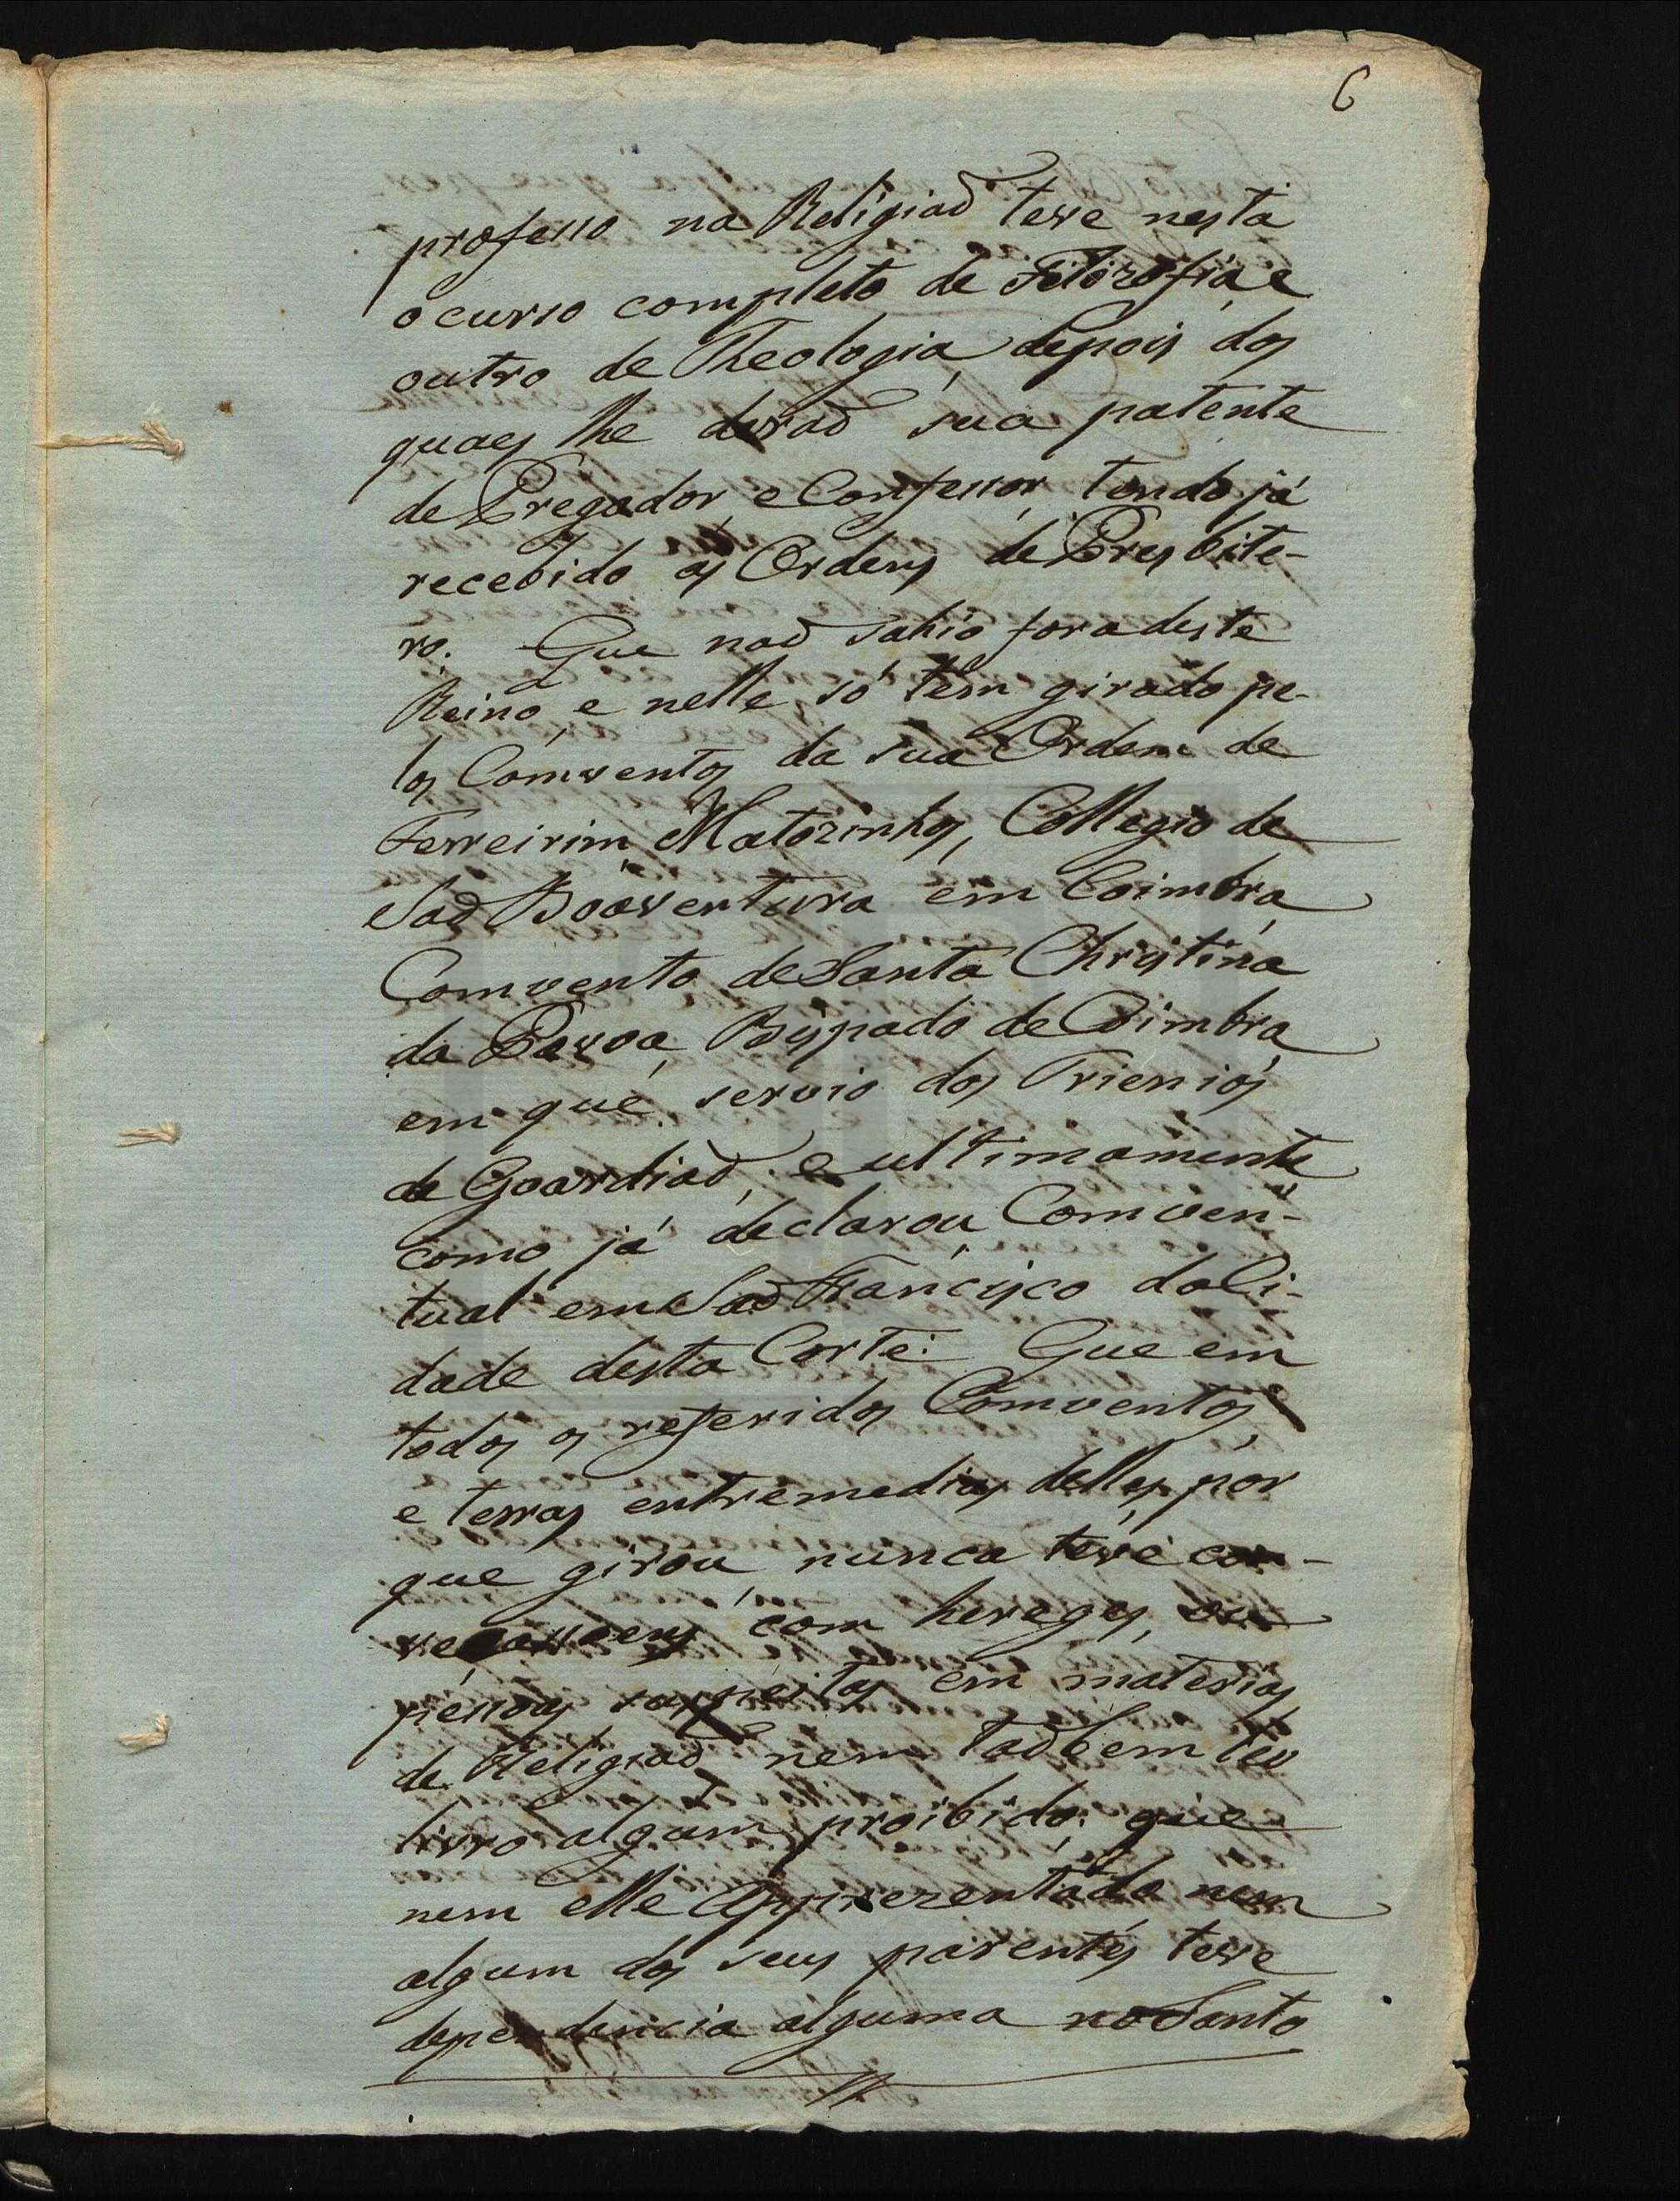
professo na Religiaõ teve nesta
o curso completo de Filozofia, e
outro de Theologia, depois dos
quaes lhe deraõ sua patente
de Pregador, e Confessor, tendo já
recebido as Ordens de Presbite
ro. Que naõ sahio fora deste
Reino, e nelle só tem girado pe
los Comventos da sua Ordem de
Ferreirim, Matozinhos, Collegio de
Saõ Boaventura em Coimbra,
Comvento de Santa Christina
da Povoa, Bispado de Coimbra,
em que servio dos Trienios
de Goardiaõ, e ultimamente
como já declarou Comven
tual em Saõ Francisco da Ci
dade desta Corte: Que em
todos os referidos Comventos
e terras entremedias delles, por
que girou, nunca teve con
veçassoens com hereges, ou
pessoas sospeitas em materias
de Religiaõ nem taõbem leu
livro algum proibido; que
nem elle Apprezentado nem
algum dos seus parentes teve
dependencia alguma no Santo
